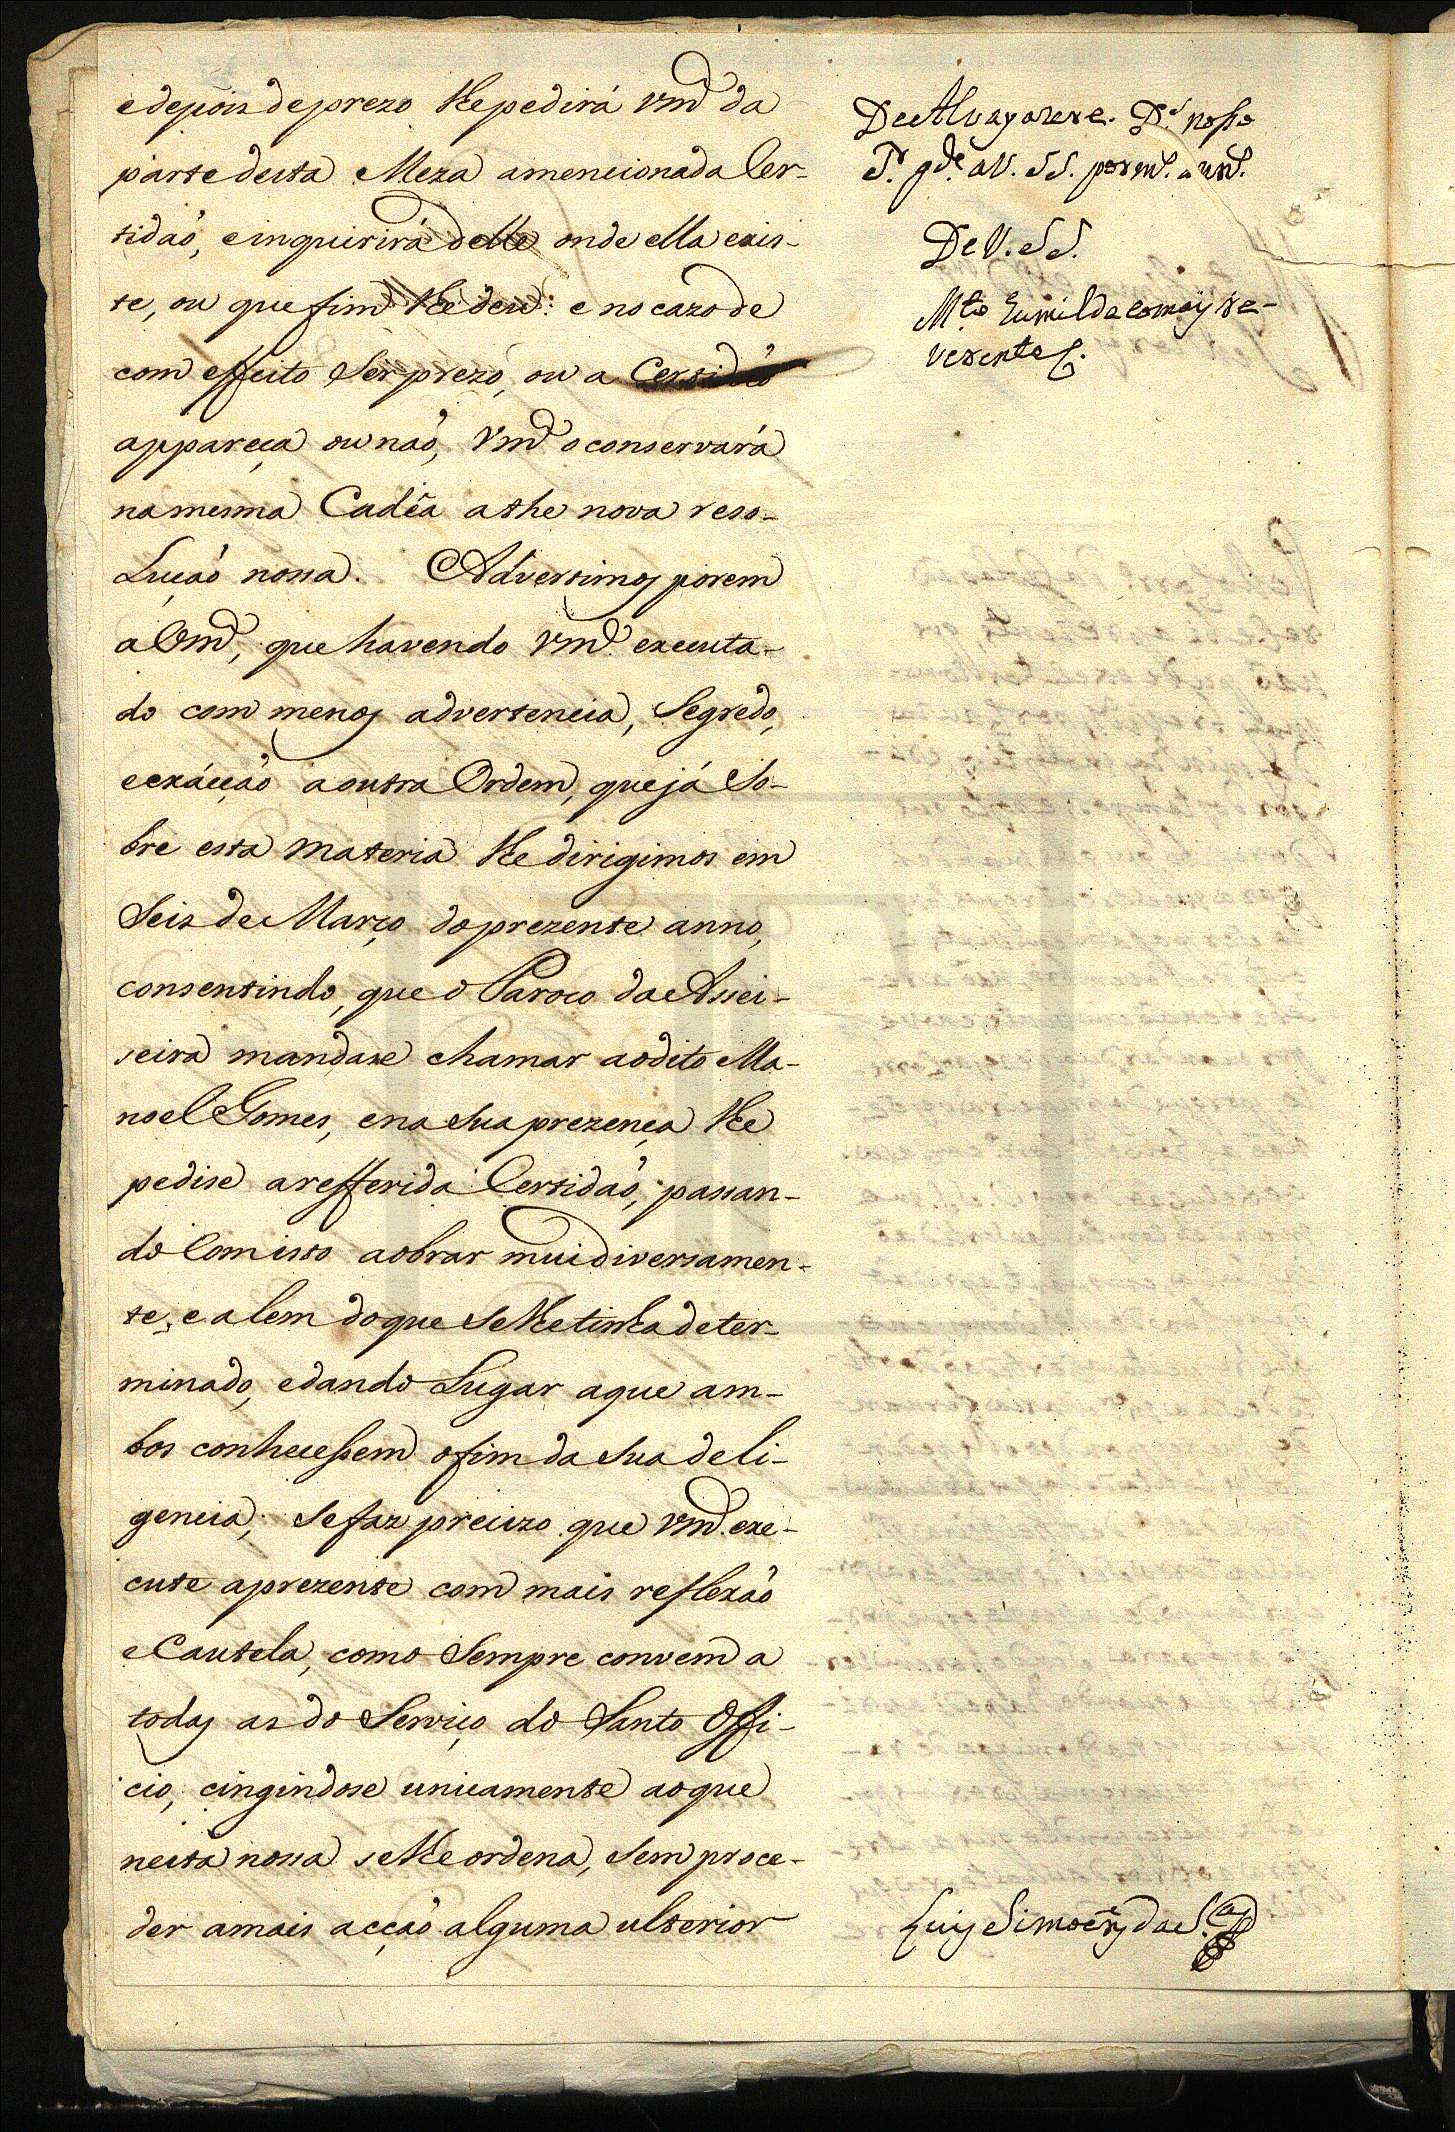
e depois de prezo lhe pedirá v m.e da
parte desta Meza a mencionada Cer
tidaõ, e inquirirá delle onde ella exis
te, ou que fim lhe deu: e no cazo de
com effeito Ser prezo, ou a certid_õ
appareça ou naõ, v m.e o conservará
na mesma Cadêa athe nova reso
Luçaõ nossa. Advertimos porem
a v m.e, que havendo v m.e executa
do com menos advertencia, Segredo,
e exácçaõ a outra Ordem, que já So
bre esta materia lhe dirigimos em
Seiz de Março do prezente anno,
consentindo, que o Paroco da Assei
seira mandase chamar ao dito Ma
noel Gomes, e na sua prezença lhe
pedise a refferida Certidaõ, passan
do com isso a obrar mui diversamen
te, e alem do que se lhe tinha deter
minado, e dando lugar a que am
bos conhecessem o fim da sua deli
gencia; se faz precizo que v m.e exe
cute a prezente com mais reflexaõ
e Cautela, como Sempre convem a
todas as do Serviço do Santo Offi
cio, cingindose unicamente ao que
nesta nossa se lhe ordena, sem proce
der a mais acçaõ alguma ulterior
De Alvayazere. D.s nosso
s.r g.de a V. S.S. por m̄. a
De V. SS.
M.to humilde e o mais re
verente C.
Luis Simoen̄s da S.a
